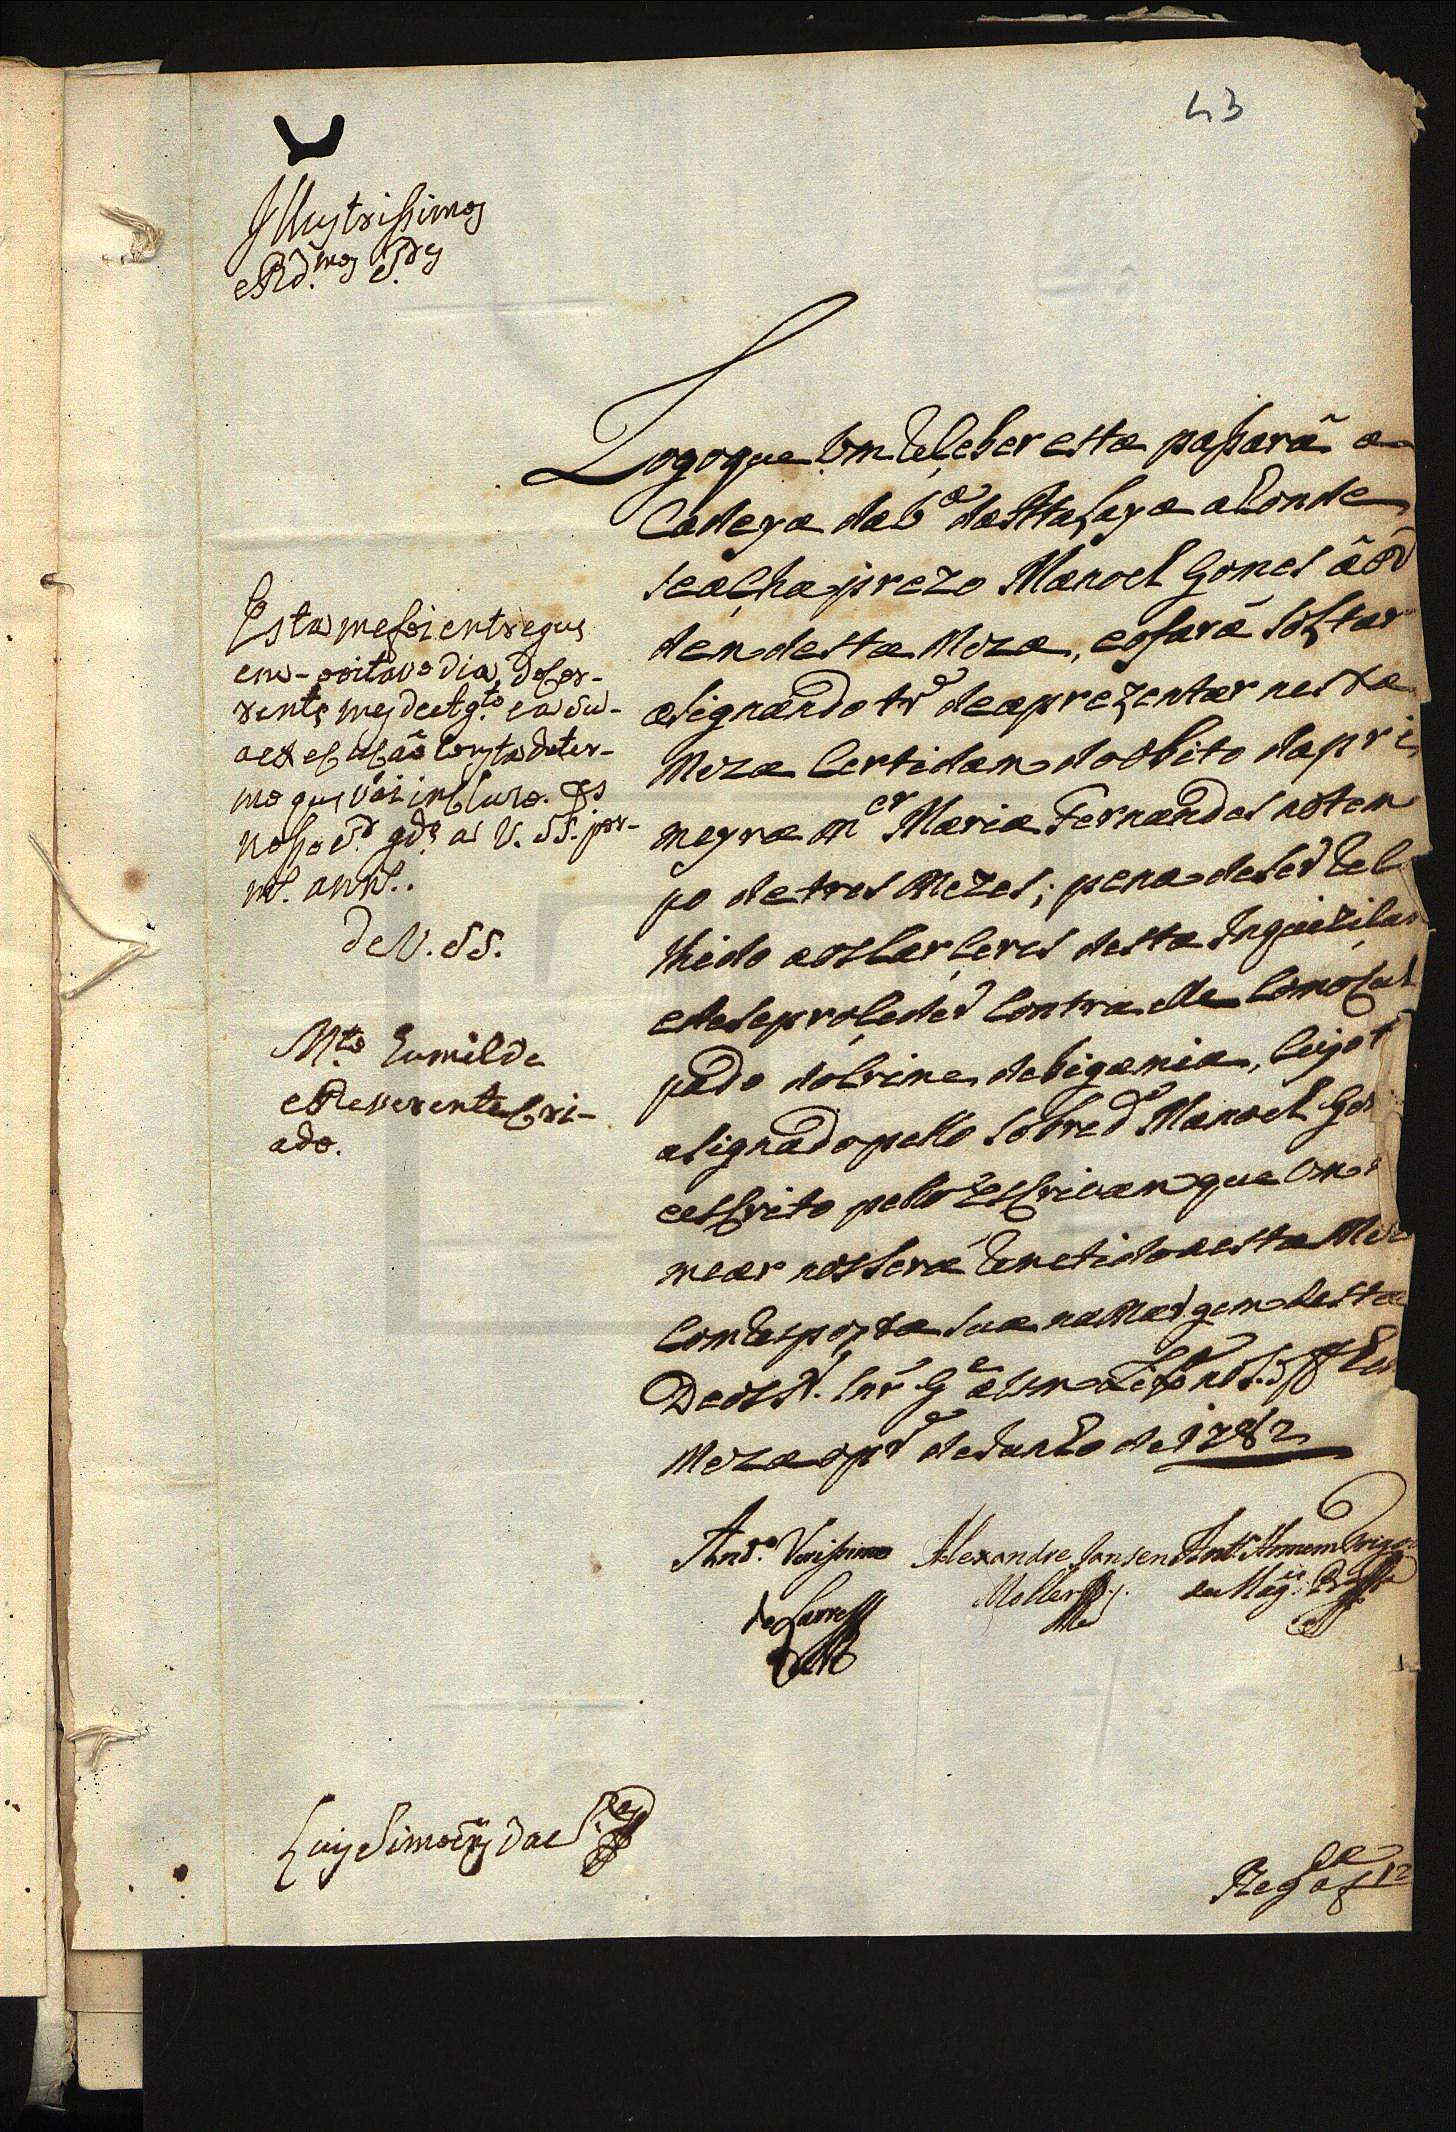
Jllustrissimos
e Rd.mos S.res
Esta me foi entregue
em - o oitavo dia do Cor
rente mes de Ag.to e a su
a execuçaõ consta do ter
mo que vai incluzo. D.s
nosso s.or g.de a V. SS. por
m.o ann.s.
de V. SS.
M.to humilde
e Reverente Cri
ado.
Luis Simoen̄s da S.a
Logo que v m ReÇeber esta passará a
Cadeya da V.a da AtaLaya ahonde
se acha prezo Manoel Gomes á or
dem desta Meza, e o fará soltar
asignando tr.o de aprezentar nesta
Meza certidam do obito da pri
meyra m.er Maria Fernandes ao tem
po de tres mezes; pena de ser ReC
lhido aos CarÇeres desta Inquiziçao
e de se proÇeder Contra elle Como Cul
pado do Crime de bigamia, Cujo
asignado pello sobred.o Manoel Gon
e esCrito pello EsCrivam que v m.
mear nos será Remetido desta Mez
com Resposta sua na Margem desta
Deos N. snr̄ G.e a v m Lxa no S. off. Em
Meza o pr.o de Iunho de i782
Ant.o Verissimo
de Larre
Alexandre Iansen
Moller
Anto Homem Frigo
de Mag.es
Reg.da a f 12
